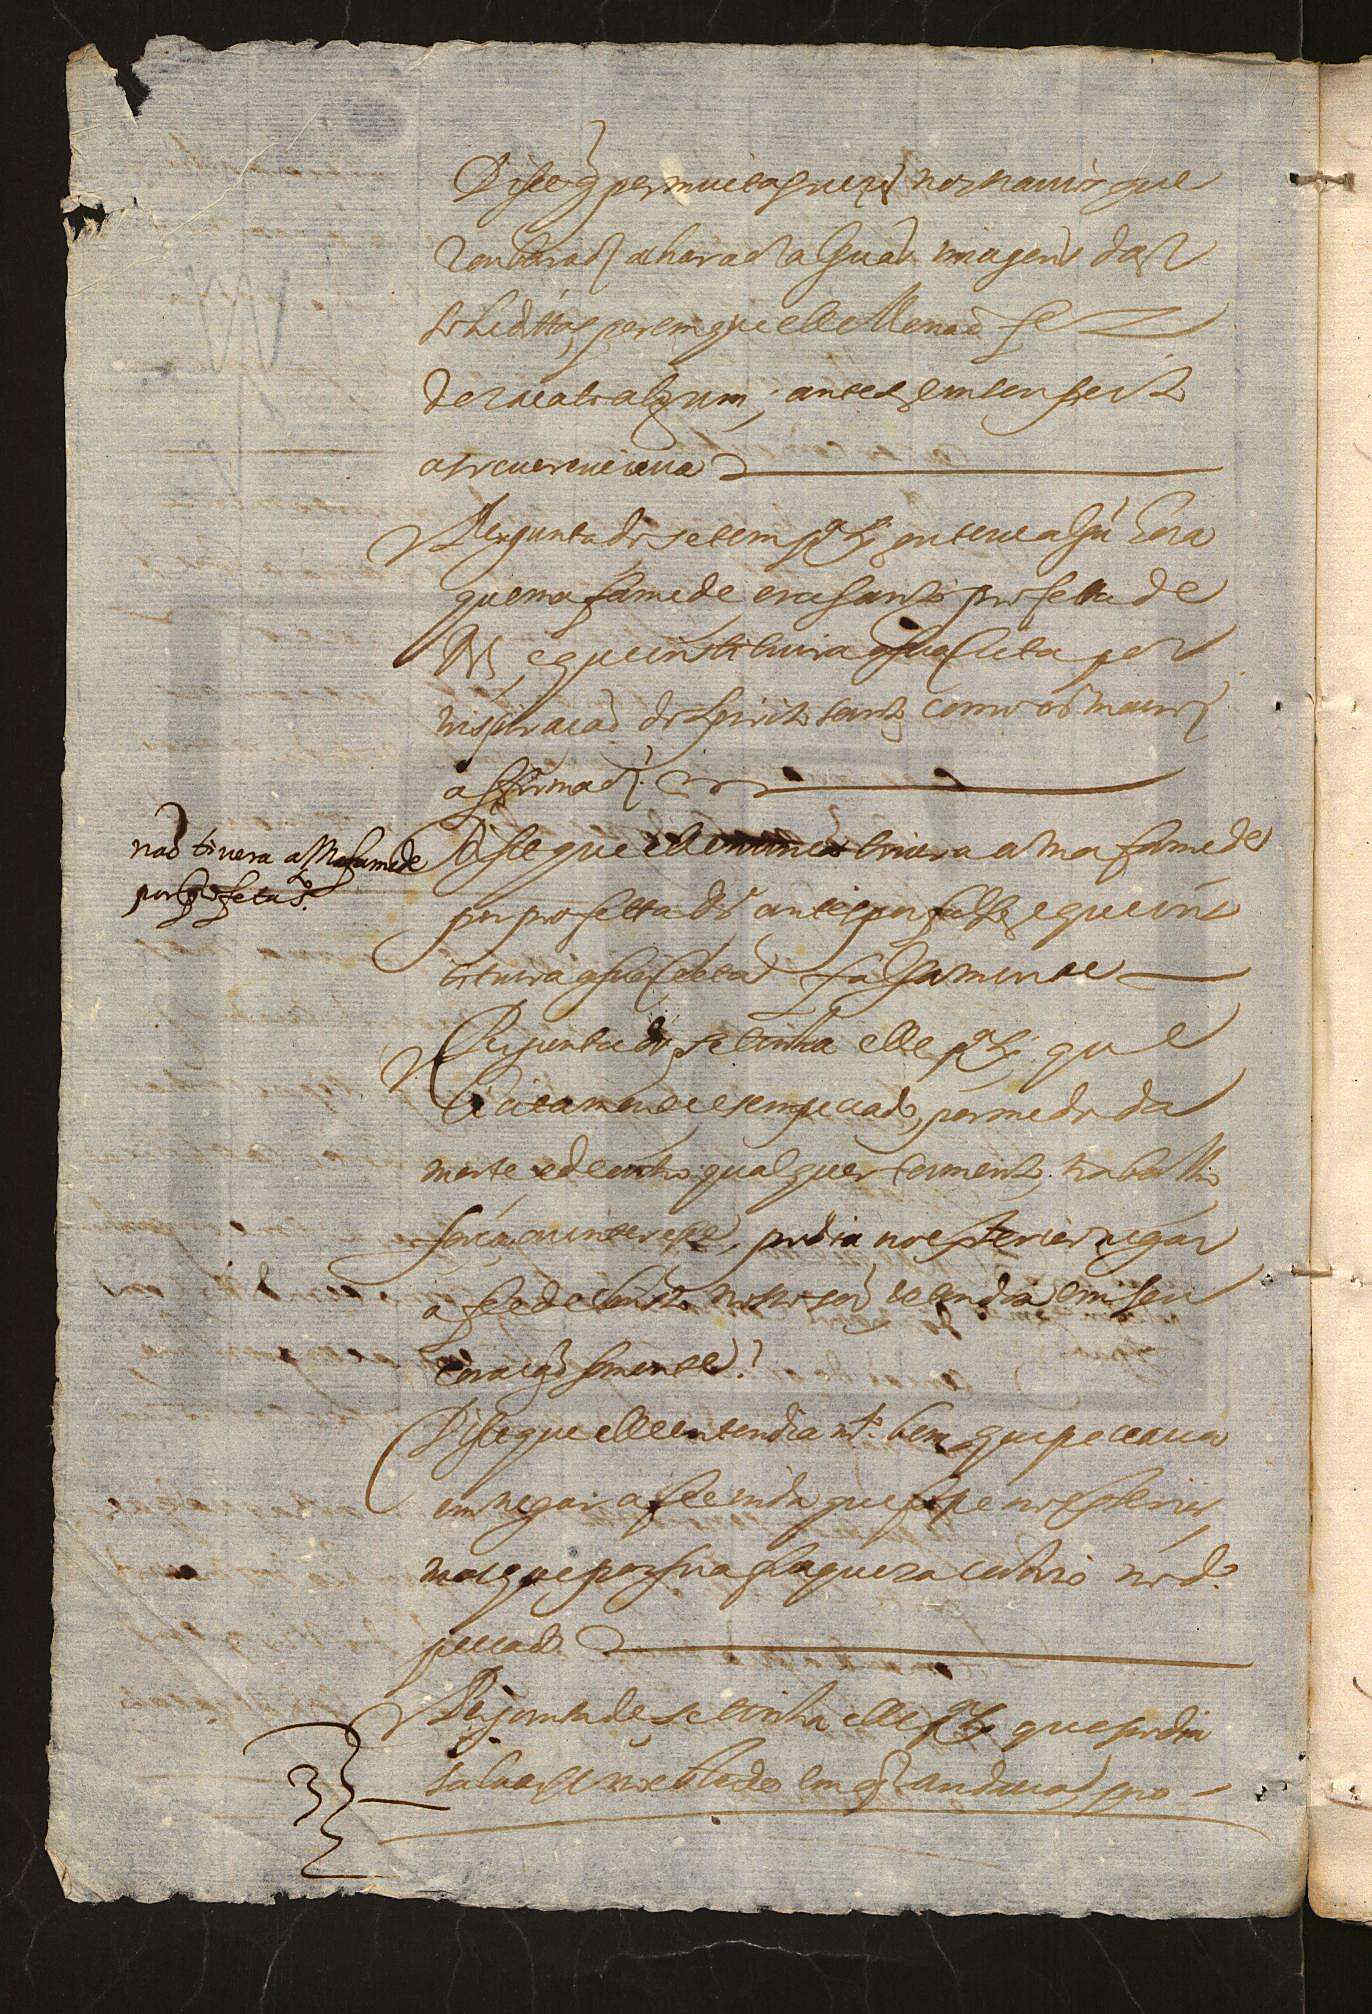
Disse q̄ per muitas uezes nos nauios que
Roubaraõ acharaõ alguās imagens das
sobredittas, porem que elle lhe naõ fez
dezacato algum; antes em seu peito
as reuerenciaua
item Perguntado se tem pa sy ou teue algū hora
que mafamede era santo profetta de
Ds̄, e que instituira a sua Ceita por
inspiraçaõ do spirito santo como os mouros
affirmaõ?
naõ tiuera a Mafamede
Disse que elle nunca tiuera a mafamede
por profeta s.to
por profetta Ds̄ antes por falso e que ins
tituira a sua Ceita falsamente
item Perguntado se tinha elle pa sy que
licitamente e sem peccado, por medo da
morte, e de outro qualquer tormento, trabalho
força, ou interesse, podia no exterior negar
a fee de christo nosso sor̄ retendoa em seu
coraçaõ somente?
Disse que elle entendia m.to bem que peccaua
em negar a fee inda que fosse no exterior
mas que por sua fraqueza cahio no d.o
peccado.
Perguntado se tinha elle pa sy que podia
saluarse no estado em q̄ andaua, pro
